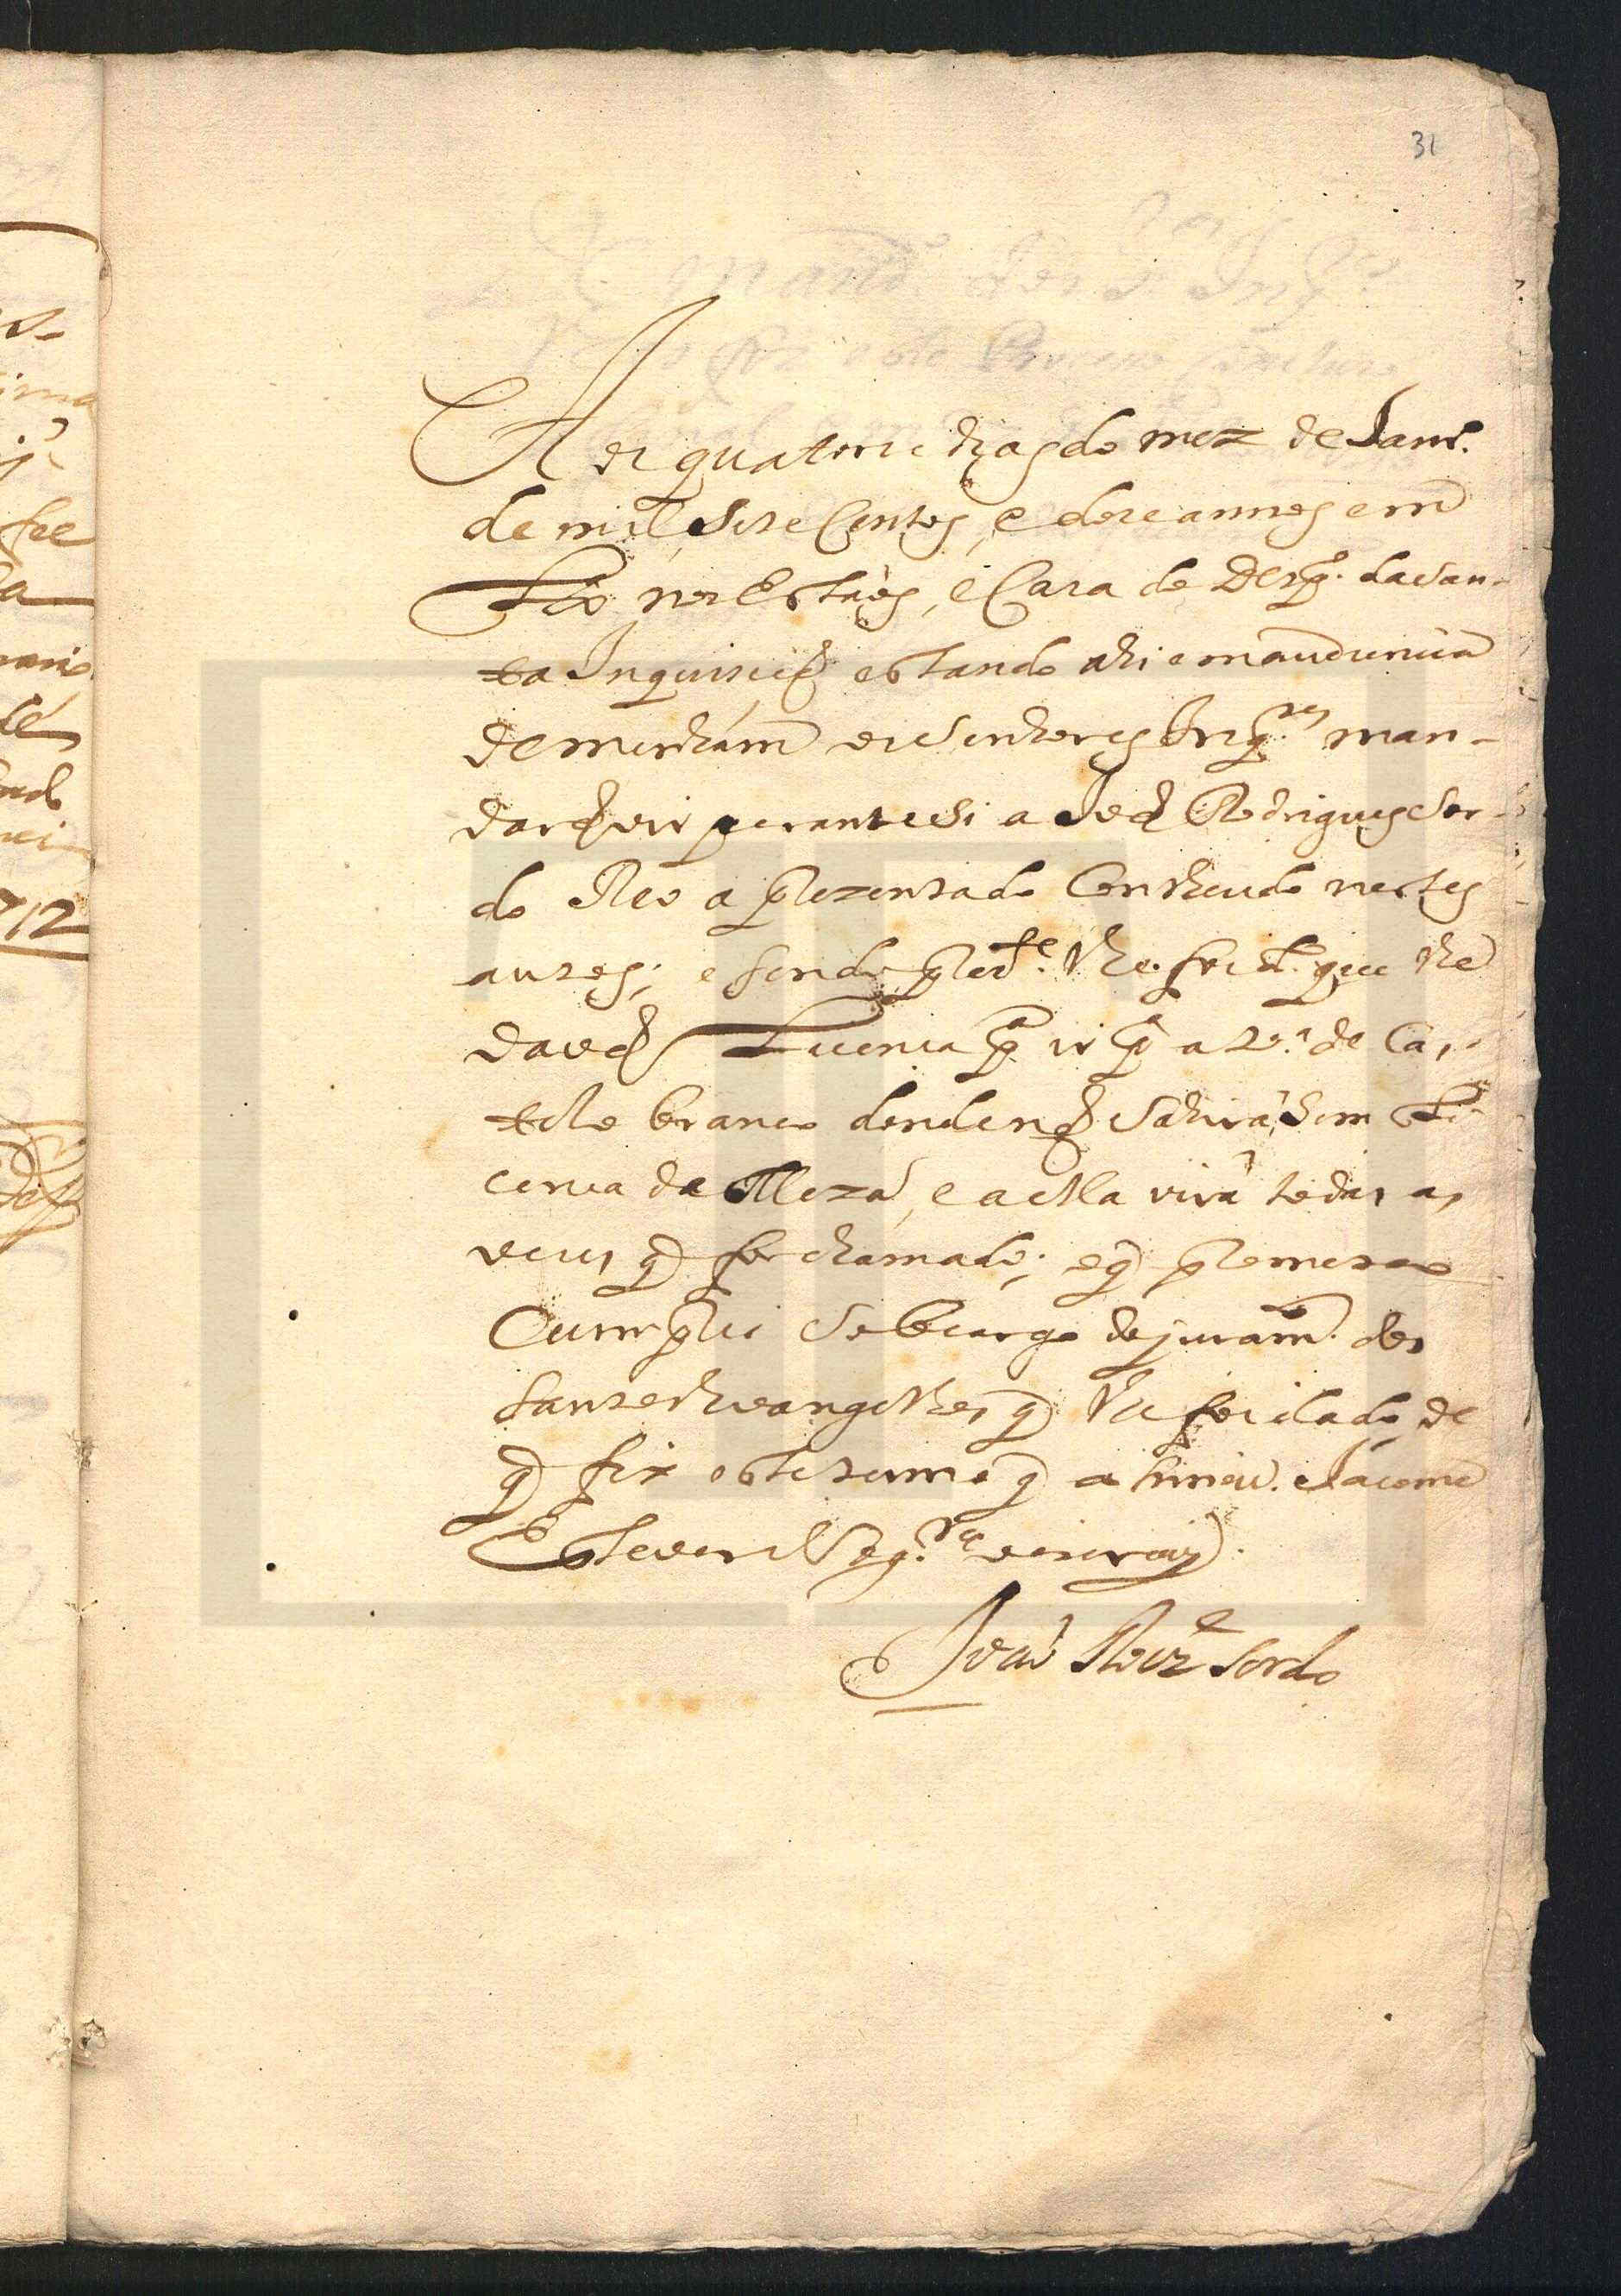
Aos quatorze dias do mez de Ianr.o
de mil, seteCentos, e doze annos em
Lxa nos Estaos, e Caza do Desp.o da san
ta Inquisiçaõ estando ahi em audiencia
de menham os Senhores Inq.res man
daraõ vir perante si a Ioaõ Rodrigues Sor
do Reo aprezentado Contheudo nestes
autos; e sendo prez.te lhe foi d̄.o que lhe
davaõ Licença pa ir pa a V.a de Cas
telo branco donde naõ sahira, Sem Li
cença da Meza, e a ella virá todas as
vezes q̄ for chamado; e q̄ premeteo
Cumprir sob cargo do juram.to dos
santos Evangelhos q̄ lhe foi dado de
q̄ fis este termo q̄ assinou Iacome
Esteves Nog.ra o escrevj.
Joaõ Roiz̄ Sordo
